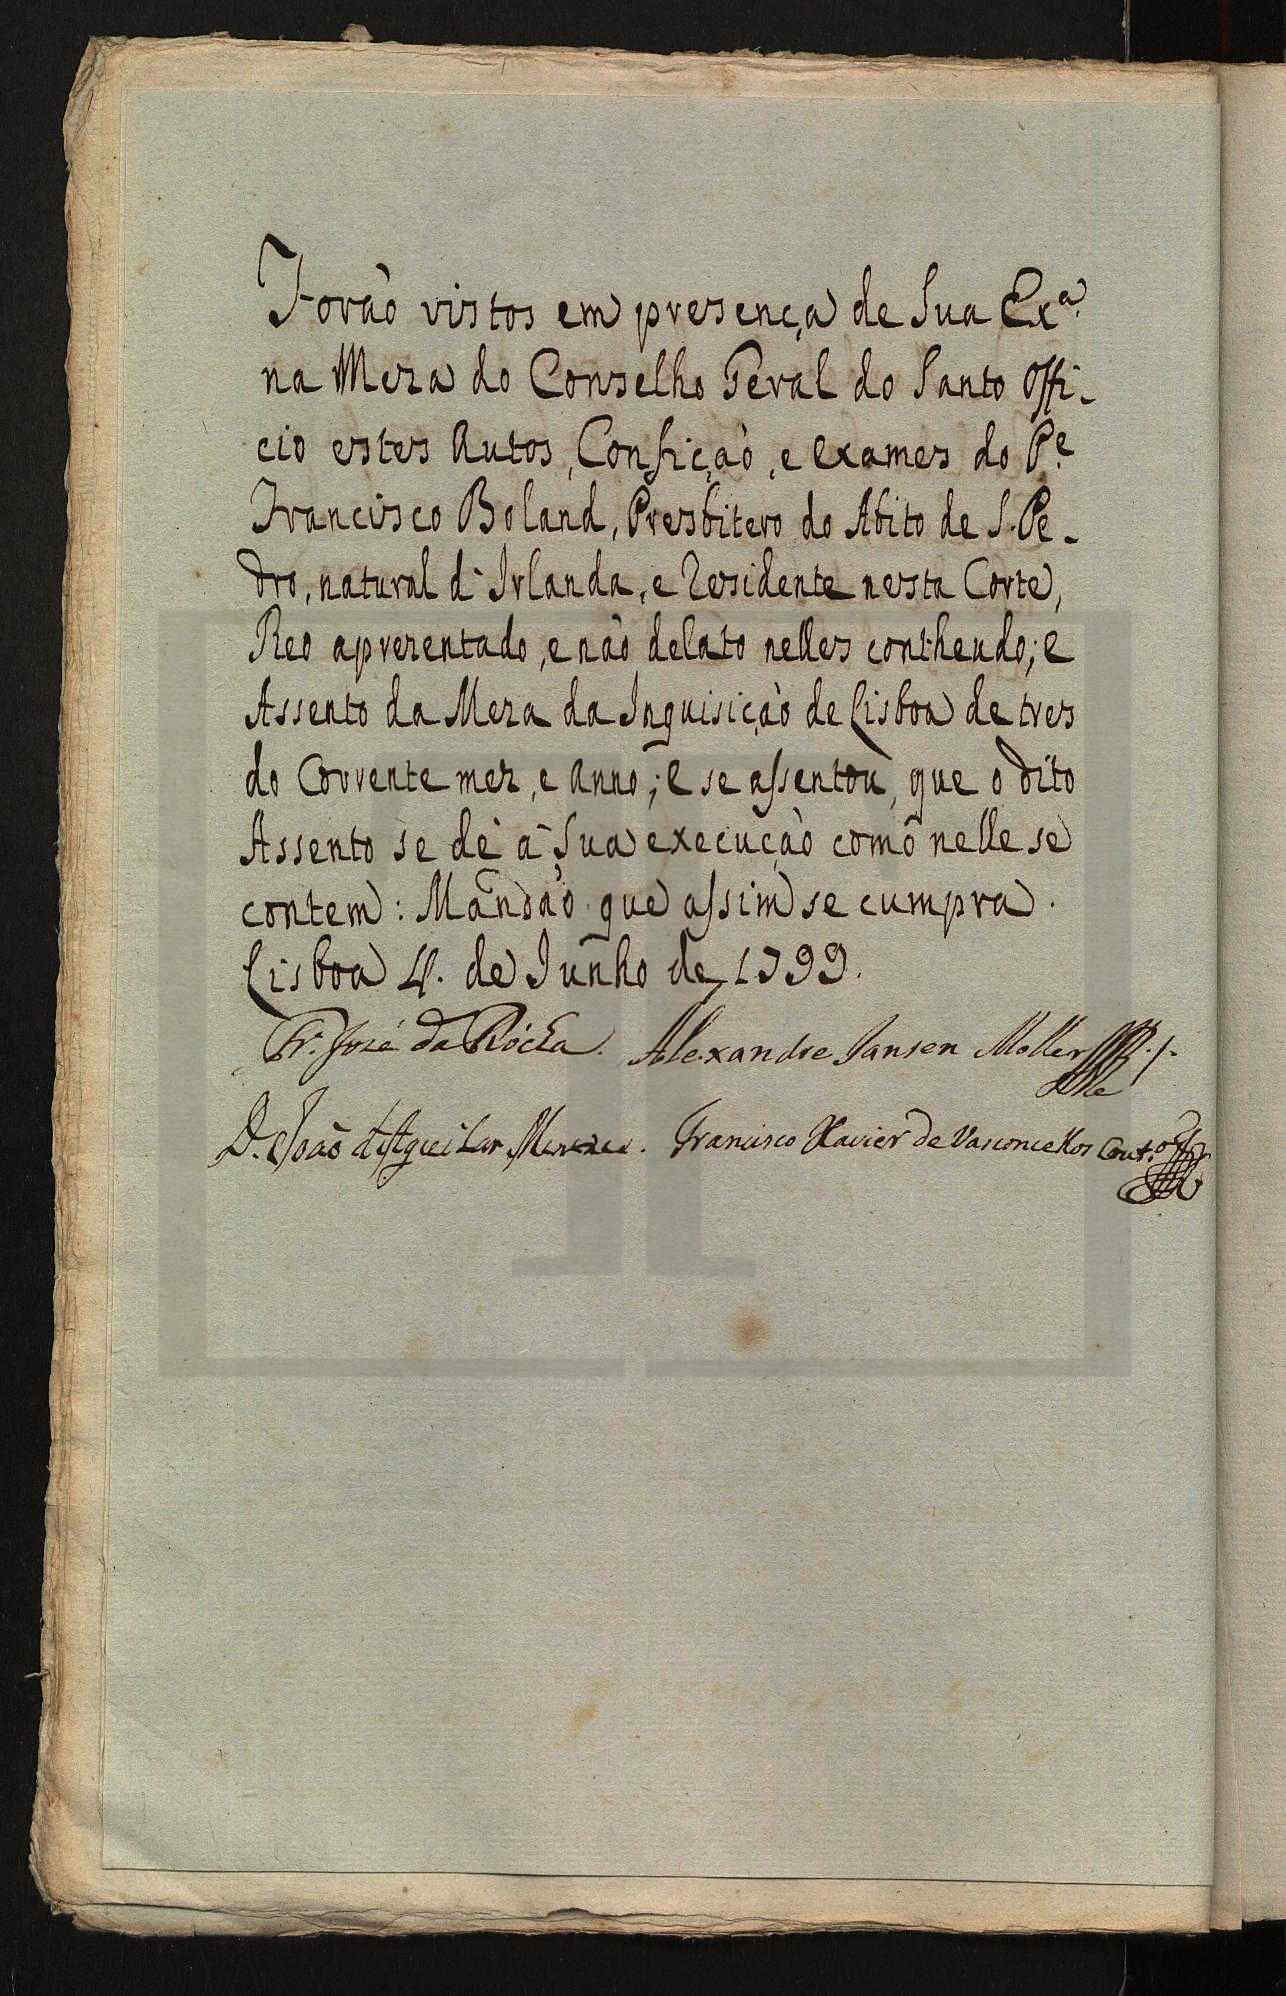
Foraõ vistos em prezença de Sua Ex.a
na Meza do Conselho Geral do Santo Offi
cio estes autos, Confiçaõ, e exames do P.e
Francisco Boland, Presbitero do Abito de S. Pe
dro, natural da Irlanda, e rezidente nesta Corte,
Reo aprezentado, e não delato nelles contheudo; e
Assento da Meza da Inquiziçaõ de Lisboa de tres
do corrente mez, e anno; e se assentou, que o dito
Assento se de á Sua execução como nelle se
contem: Mandaõ que assim se cumpra
Lisboa 4 de Iunho de 1799
Fr. Jozé da Rocha. Alexandre Iansen Moller
D. Joaõ d̄Aguilar Menezes. Francisco Xavier de Vasconcelos Cout.o
